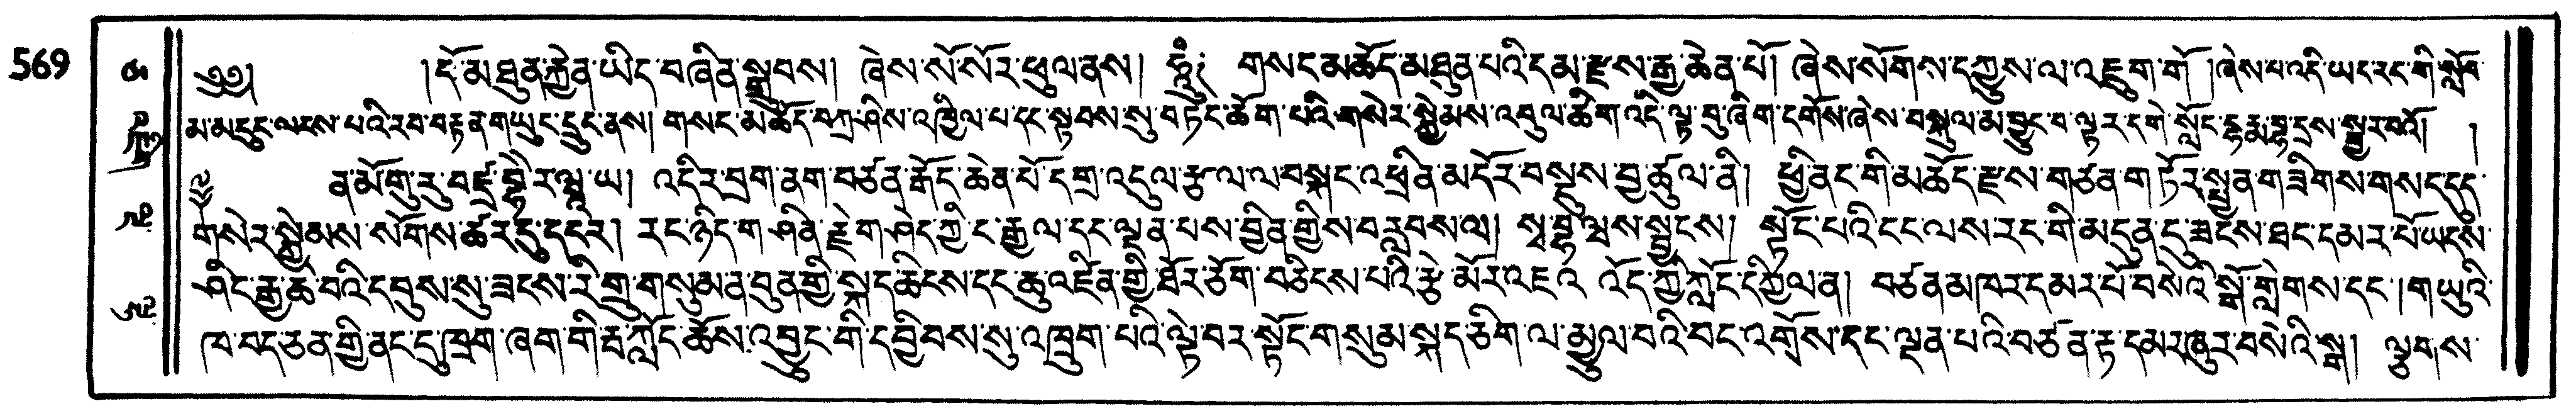༄༅། །དོ་མཐུན་རྐྱེན་ཡིད་བཞིན་སྒྲུབས། །ཞེས་སོ་སོར་ཕུལ་ནས། ཧཱུཾ༑ གསང་མཆོད་མཐུན་པའི་དམ་རྫས་རྒྱ་ཆེན་པོ། ཞེས་སོགས་དཀྱུས་ལ་འཇུག་གོ །ཞེས་པ་འདི་ཡང་རང་གི་སློབ་
མ་མདུང་ལངས་པའི་རབ་བརྟན་གཡུང་དྲུང་ནས། གསང་མཆོད་བཀྲ་ཤིས་འཁྱིལ་པ་དང་སྟབས་སུ་བཏང་ཆོག་པའི་གསེར་སྐྱེམས་འབུལ་ཚིག་འདི་ལྟ་བུ་ཞིག་དགོས་ཞེས་བསྐུལ་མ་བྱུང་བ་ལྟར་དགེ་སློང་དྷརྨ་བྷ་དྲས་སྦྱར་བའོ། །
འ་ན་མོ་གུ་རུ་བཛྲ་བྷཻ་ར་ཝཱ་ཡ། འདིར་བྲག་ནག་བཙན་རྒོད་ཆེན་པོ་དགྲ་འདུལ་རྩལ་ལ་བསྐང་འཕྲིན་མདོར་བསྡུས་བྱ་ཚུལ་ནི། ཕྱི་ནང་གི་མཆོད་རྫས་གཙན་གཏོར་སྤྱན་གཟིགས་གསང་དུད་
གསེར་སྐྱེམས་སོགས་ཚར་དུ་དངར། རང་ཉིད་གཤིན་རྗེ་གཤེད་ཀྱི་ང་རྒྱལ་དང་ལྡན་པས་བྱིན་གྱིས་བརླབས་ལ། སྭ་བྷ་ཝས་སྦྱངས། སྟོང་པའི་ངང་ལས་རང་གི་མདུན་དུ་ཟངས་ཐང་དམར་པོ་ཡངས་
ཤིང་རྒྱ་ཆེ་བའི་དབུས་སུ་ཟངས་རི་གྲུ་གསུམ་ན་བུན་གྱི་སྐད་ཆིངས་དང་ཆུ་འཛིན་གྱི་ཐོར་ཅོག་བཅིངས་པའི་རྩེ་མོར་འཇའ་འོད་ཀྱི་ཀློང་དཀྱིལ་ན། བཙན་མཁར་དམར་པོ་བསེའི་སྒོ་གླེགས་དང་། གཡུའི་
ཁ་བད་ཅན་གྱི་ནང་དུ་ཁྲག་ཞག་གི་རྦ་ཀློང་ཆོས་འབྱུང་གི་དབྱིབས་སུ་འཁྲུག་པའི་ལྟེ་བར་སྟོང་གསུམ་སྐད་ཅིག་ལ་མྱུལ་བའི་བང་འགྲོས་དང་ལྡན་པའི་བཙན་རྟ་དམར་ཞུར་བསེའི་སྒ། ལྕགས་